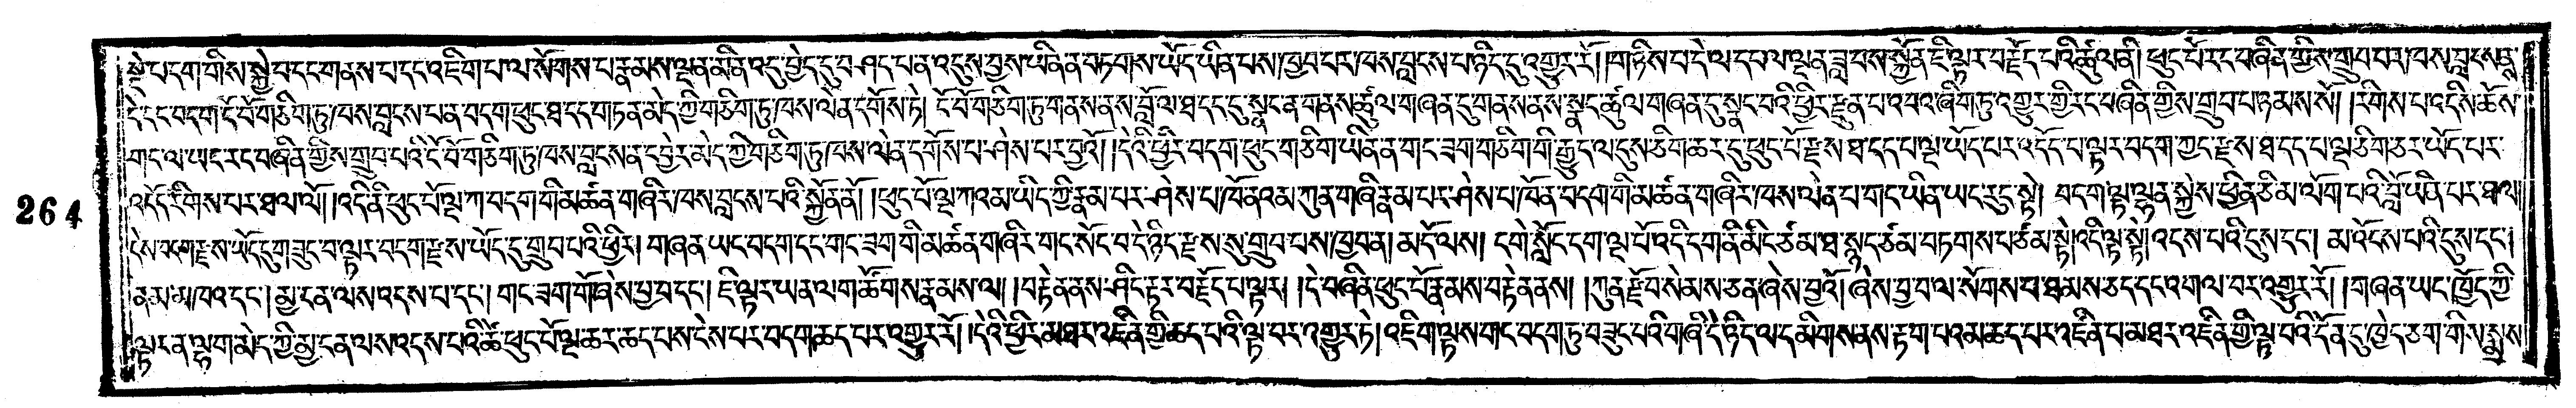སྡེ་པ་དག་གིས་སྐྱེ་བ་དང་གནས་པ་དང་འཇིག་པ་ལ་སོགས་པ་རྣམས་ལྡན་མིན་འདུ་བྱེད་དུ་བཤད་པ་ན་འདུས་བྱས་ཡིན་ན་བཏགས་ཡོད་ཡིན་པས་ཁྱབ་པར་ཁས་བླངས་པ་ཉིད་དུ་འགྱུར་རོ། །གཉིས་པ་དེ་ལ་དཔལ་ལྡན་ཟླ་བས་སྐྱོན་ཇི་ལྟར་བརྗོད་པའི་ཚུལ་ནི། ཕུང་པོ་རང་བཞིན་གྱིས་གྲུབ་པར་ཁས་བླངས་ནས་
དེ་དང་བདག་ངོ་བོ་གཅིག་ཏུ་ཁས་བླངས་པ་ན་བདག་ཕུང་ཐ་དད་གཏན་མེད་ཀྱི་གཅིག་ཏུ་ཁས་ལེན་དགོས་ཏེ། ངོ་བོ་གཅིག་ཏུ་གནས་ནས་བློ་ལ་ཐ་དད་དུ་སྣང་ན་གནས་ཚུལ་གཞན་དུ་གནས་ནས་སྣང་ཚུལ་གཞན་དུ་སྣང་བའི་ཕྱིར་རྫུན་པ་འབའ་ཞིག་ཏུ་འགྱུར་གྱི་རང་བཞིན་གྱིས་གྲུབ་པ་ཉམས་སོ། །རིགས་པ་འདིས་ཆོས་
གང་ལ་ཡང་རང་བཞིན་གྱིས་གྲུབ་པའི་ངོ་བོ་གཅིག་ཏུ་ཁས་བླངས་ན་དབྱེར་མེད་ཀྱི་གཅིག་ཏུ་ཁས་ལེན་དགོས་པ་ཤེས་པར་བྱའོ། །དེའི་ཕྱིར་བདག་ཕུང་གཅིག་ཡིན་ན་གང་ཟག་གཅིག་གི་རྒྱུད་ལ་དུས་ཅིག་ཆར་དུ་ཕུང་པོ་རྫས་ཐ་དད་པ་ལྔ་ཡོད་པར་འདོད་པ་ལྟར་བདག་ཀྱང་རྫས་ཐ་དད་པ་ལྔ་ཅིག་ཅར་ཡོད་པར་
འདོད་རིགས་པར་ཐལ་ལོ། །འདི་ནི་ཕུང་པོ་ལྔ་ཀ་བདག་གི་མཚན་གཞིར་ཁས་བླངས་པའི་སྐྱོན་ནོ། །ཕུང་པོ་ལྔ་ཀའམ་ཡིད་ཀྱི་རྣམ་པར་ཤེས་པ་ཁོ་ནའམ་ཀུན་གཞི་རྣམ་པར་ཤེས་པ་ཁོན་བདག་གི་མཚན་གཞིར་ཁས་ལེན་པ་གང་ཡིན་ཡང་རུང་སྟེ། བདག་ལྟ་ལྷན་སྐྱེས་ཕྱིན་ཅི་མ་ལོག་པའི་བློ་ཡིན་པར་ཐལ་
དེས་བདག་རྫས་ཡོད་དུ་གཟུང་བ་ལྟར་བདག་རྫས་ཡོད་དུ་གྲུབ་པའི་ཕྱིར། གཞན་ཡང་བདག་དང་གང་ཟག་གི་མཚན་གཞིར་གང་སོང་བ་དེ་ཉིད་རྫས་སུ་གྲུབ་པས་ཁྱབ་ན། མདོ་ལས། དགེ་སློང་དག་ལྔ་པོ་འདི་དག་ནི་མིང་ཙམ་ཐ་སྙད་ཙམ་བཏགས་པ་ཙམ་སྟེ། འདི་ལྟ་སྟེ། འདས་པའི་དུས་དང་། མ་འོངས་པའི་དུས་དང་།
ནམ་མཁའ་དང་། མྱ་ངན་ལས་འདས་པ་དང་། གང་ཟག་གོ་ཞེས་བྱ་བ་དང་། ཇི་ལྟར་ཡན་ལག་ཚོགས་རྣམས་ལ། །བརྟེན་ནས་ཤིང་རྟར་བརྗོད་པ་ལྟར། །དེ་བཞིན་ཕུང་པོ་རྣམས་བརྟེན་ནས། །ཀུན་རྫོབ་སེམས་ཅན་ཞེས་བྱའོ། ཞེས་བྱ་བ་ལ་སོགས་པ་ཐམས་ཅད་དང་འགལ་བར་འགྱུར་རོ། །གཞན་ཡང་ཁྱོད་ཀྱི་
ལྟར་ན་ལྷག་མེད་ཀྱི་མྱ་ངན་ལས་འདས་པའི་ཚེ་ཕུང་པོ་ལྔ་ཆར་ཆད་པས་ངེས་པར་བདག་ཆད་བར་འགྱུར་རོ། །དེའི་ཕྱིར་མཐར་འཛིན་གྱི་ཆད་པའི་ལྟ་བར་འགྱུར་ཏེ། འཇིག་ལྟས་གང་བདག་ཏུ་བཟུང་བའི་གཞི་དེ་ཉིད་ལ་དམིགས་ནས་རྟག་པའམ་ཆད་པར་འཛིན་པ་མཐར་འཛིན་གྱི་ལྟ་བའི་དོན་དུ་ཁྱེད་ཅག་གིས་སྨྲས་